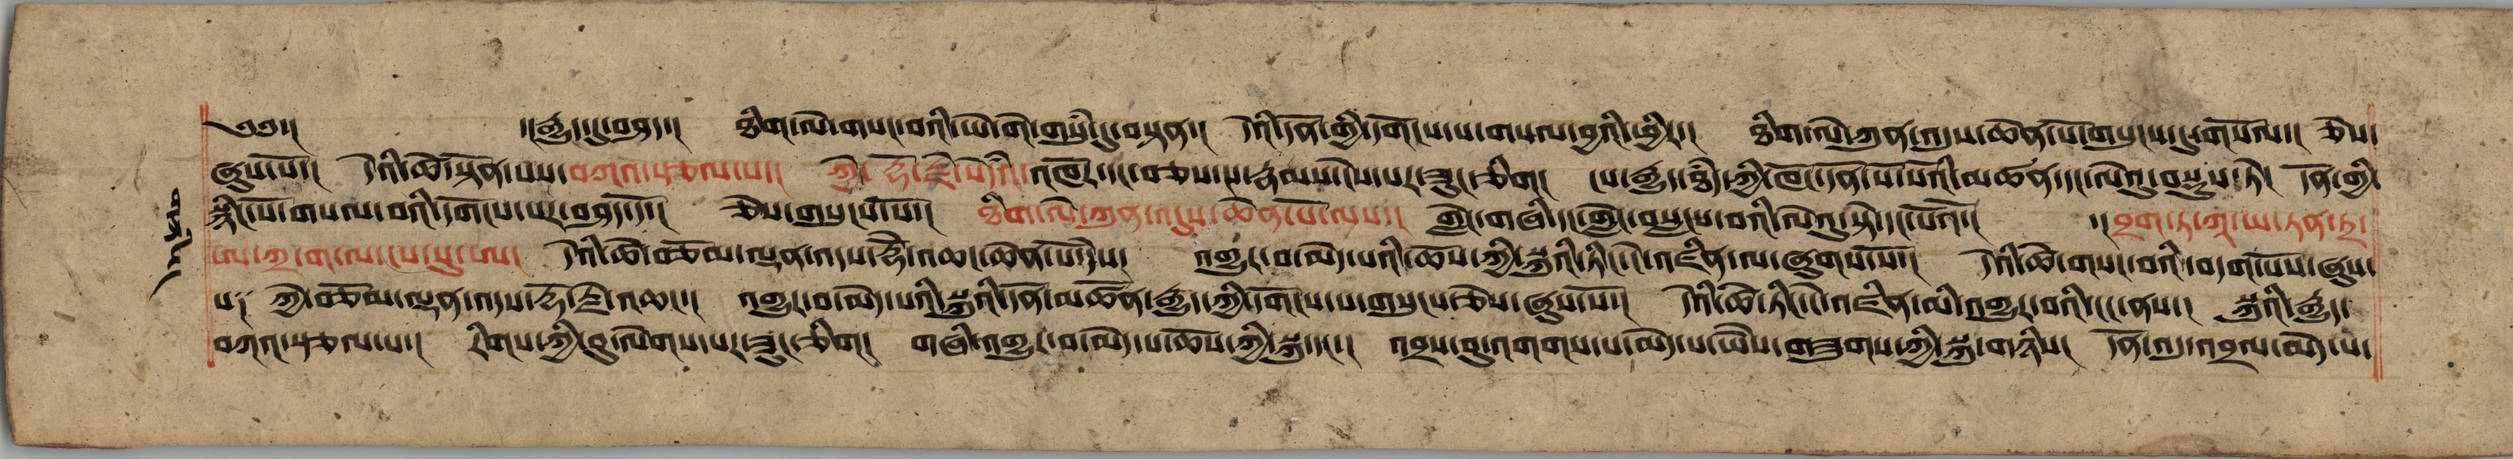༄༅་། ་།རྒྱུད་དུ་བཤད་། ཐིག་ལེ་གསང་བའི་ཡི་གེ་གསུཾ་དུ་བསྟན་། དེའི་དོན་གྱི་དགོངས་པ་གསལ་བྱའི་ཕྱིར་། ཐིག་ལེ་ཀུན་འདུས་ཆེན་པོ་གསུངས་དུ་གསོལ་། ཅེས་
ཞུས་པོ་། དེའི་ཚེ་སྟོན་པས་བཀའ་སྩལ་པ་། ཀྱེ་ རྡོ་རྗེ་སེདཾའ་འཁོར་དང་བཅས་པ་རྣམས་ངེས་པར་ཟུང་ཅིག། ངས་རྒྱུད་ཐཾད་ཀྱི་ཁོང་དོན་སོ་སོའི་མཚན་དང་ལེའུ་བསྡུས་ཏེ། དོན་གྱི་
སྙིང་པོ་གསལ་བའི་དགོངས་པར་བཤད་དོ་། ཅེས་གསུངས་སོ་། ཐིག་ལེ་ཀུན་འདུས་ཆེན་པོ་ལས་། གླེང་གཞི་དང་གླེང་བསླངས་བའི་ལེའུ་སྟེ་དང་པོའོ་། ་།བྲག་ཏ་ཀཱ་ཡ་ཏན་ཏྲ་
ཨ་ཀྲ་ག་ལ་ངས་སུ་ཨ། དེའི་ཚེ་བཅོམ་ལྡན་འདས་རྡོེ་འཆང་ཆེན་པོ་དེས། འགྱུར་བ་མེད་པའི་ཆོས་ཀྱི་སྐུའི་ཏིང་ངེ་འཛིན་ལ་ཞུགས་སོ་། དེའི་ཚེ་གསང་བའི་བདག་པོས་ཞུས་
པ༑ ཀྱེ་བཅོམ་ལྡན་འདས་རྡོ་རྗེ་འཆང་། འགྱུར་བ་མེད་པའི་སྐུའི་དོན་མཚོན་རྒྱུད་ཀྱི་དགོངས་པ་གསུངས་ཅེས་ཞུས་སོ་། དེའི་ཚེ་ཏིང་ངེ་འཛིན་མི་འགྱུར་བའི་ངང་ནས་། སྐུའི་རྒྱུད་
བཀའ་སྩལ་པ་། རིགས་ཀྱི་བུ་ལེགས་པར་ཟུང་ཅིག། གཞི་འགྱུར་བ་མེད་པ་ཆོས་ཀྱི་སྐུ་དང་། འབྲས་བུ་འགགས་པ་མེད་པ་ཡཻས་གཟུགས་ཀྱི་སྐུ་གཉིས། དོན་འདུ་འབྲལ་མེད་པ་